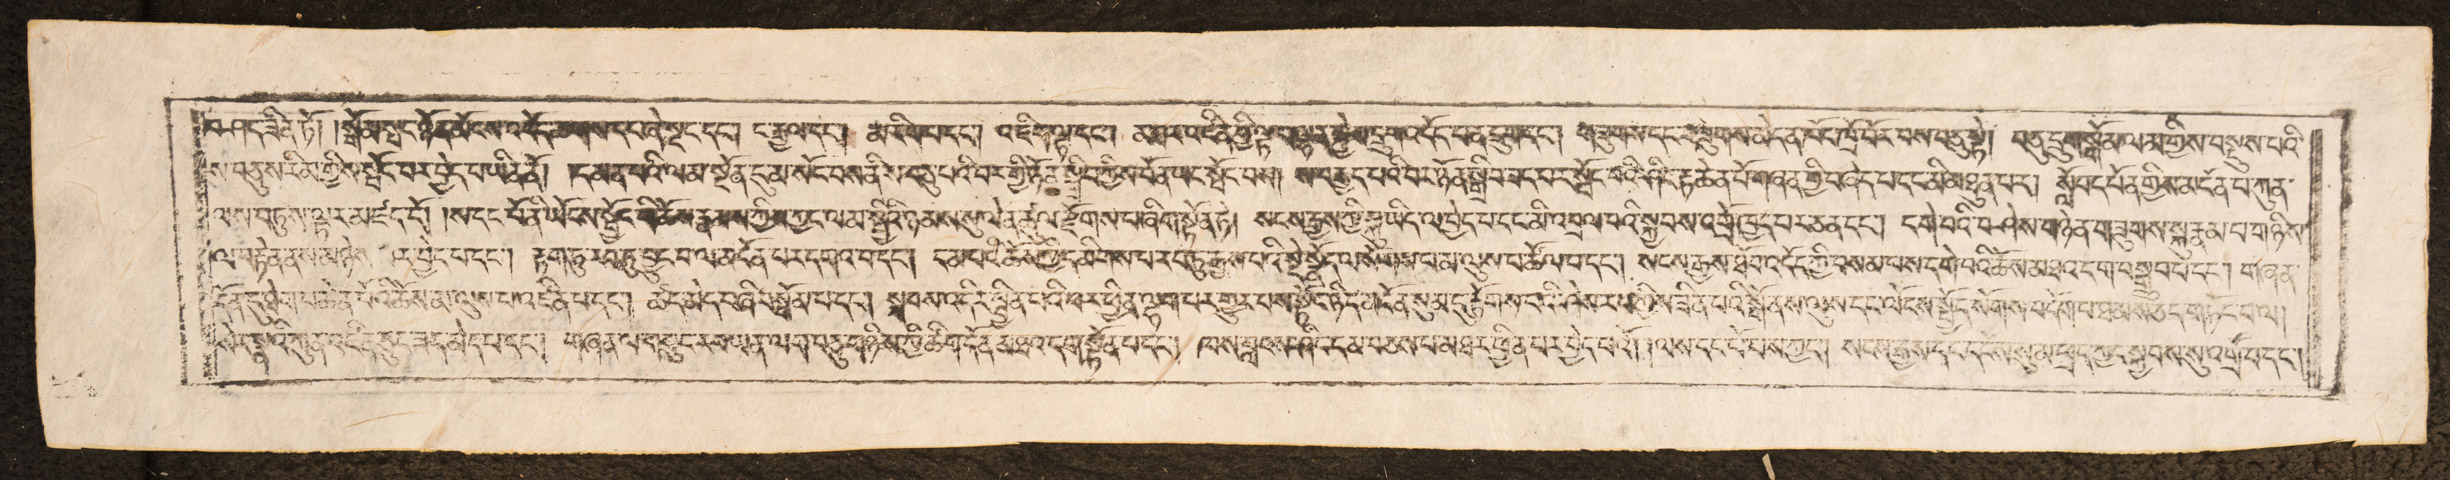བཤད་ཟིན་ཏོ། །སྒོམ་སྤང་ཉོན་མོངས་འདོད་ཆགས་དང་ཞེ་སྡང་དང་། ང་རྒྱལ་དང་། མ་རིག་པ་དང་། འཇིག་ལྟ་དང་། མཐར་འཛིན་གྱི་ལྟ་བ་ལྷན་སྐྱེས་དྲུག་འདོད་པ་ན་དྲུག་དང་། གཟུགས་དང་གཟུགས་མེད་ན་ཁོང་ཁྲོ་བོར་བས་བཅུ་སྟེ། བཅུ་དྲུག་སྒོམ་ལམ་གྱིས་བསྡུས་པའི་
ས་བཅུས་རིམ་གྱིས་སྤོང་བར་བྱེད་པ་ཡིན་ནོ། །དམན་པའི་ལམ་སྔོན་དུ་མ་སོང་བས་ནི་ས་བཅུ་པའི་བར་གྱི་ཉོན་སྒྲིབ་ཀྱི་ས་བོན་ཡང་སྤོང་བས། ས་བརྒྱད་པའི་བར་ཉོན་སྒྲིབ་ཟད་པར་སྤོང་བའི་ཤིང་རྟ་ཆེན་པོ་གཞན་གྱི་བཞེད་པ་དང་མི་མཐུན་པར། སློབ་དཔོན་གྱིས་མངོན་པ་ཀུན་
ལས་བཏུས་ལྟར་མཛད་དོ། །ས་དང་པོ་ནི་ཡོངས་སྦྱོང་གི་ཆོས་རྣམས་ཀྱིས་ཀྱང་ལམ་སྤྱིའི་ཉམས་སུ་ལེན་ཚུལ་རྫོགས་པ་ཞིག་སྟོན་ཏེ། སངས་རྒྱས་ཀྱི་སྐུ་ཡིད་ལ་བྱེད་པ་དང་མི་འབྲལ་བའི་སྐྱབས་འགྲོ་ཁྱད་པར་ཅན་དང་། དགེ་བའི་བཤེས་གཉེན་གཟུགས་སྐུ་རྣམ་པ་གཉིས་
ལ་བརྟེན་ནས་མཉེས་པར་བྱེད་པ་དང་། རྟག་ཏུ་རབ་ཏུ་བྱུང་བ་ལ་མངོན་པར་དགའ་བ་དང་། དམ་པའི་ཆོས་ཀྱི་དམིགས་པ་རབ་ཏུ་རྒྱས་པའི་སྡེ་སྣོད་ལ་སོགས་པ་མ་ལུས་པ་ཚོལ་བ་དང་། སངས་རྒྱས་ཐོབ་འདོད་ཀྱི་བསམ་པས་དགེ་བའི་ཆོས་མཐའ་དག་བསྒྲུབ་པ་དང་། གཞན་
དོན་དུ་ཐེག་པ་ཆེན་པོའི་ཆོས་མ་ལུས་པ་འཛིན་པ་དང་། ཚད་མེད་བཞི་བསྒོམ་པ་དང་། སྐབས་འདིར་སྦྱིན་པའི་ཕར་ཕྱིན་ལྷག་པར་གྱུར་པས་སྟོང་ཉིད་མངོན་སུམ་དུ་རྟོགས་པའི་ཤེས་རབ་ཀྱིས་ཟིན་པའི་སྒོ་ནས་ལུས་དང་ལོངས་སྤྱོད་སོགས་བདོག་པ་ཐམས་ཅད་གཏོང་བ་ལ།
སེར་སྣའི་ཀུན་འཛིན་ཅུང་ཟད་མེད་པ་དང་། གཞན་ལ་གསུང་རབ་ཡན་ལག་བཅུ་གཉིས་ཀྱི་ཚིག་དོན་མཐའ་དག་སྟོན་པ་དང་། ཁས་བླངས་ཤིང་དམ་བཅས་པ་མཐར་ཕྱིན་པར་བྱེད་པའོ། །ལས་དང་པོ་པས་ཀྱང་། སངས་རྒྱས་དང་དངོས་སུ་མ་ཕྲད་ཀྱང་སྐྱབས་སུ་འགྲོ་བ་དང་།